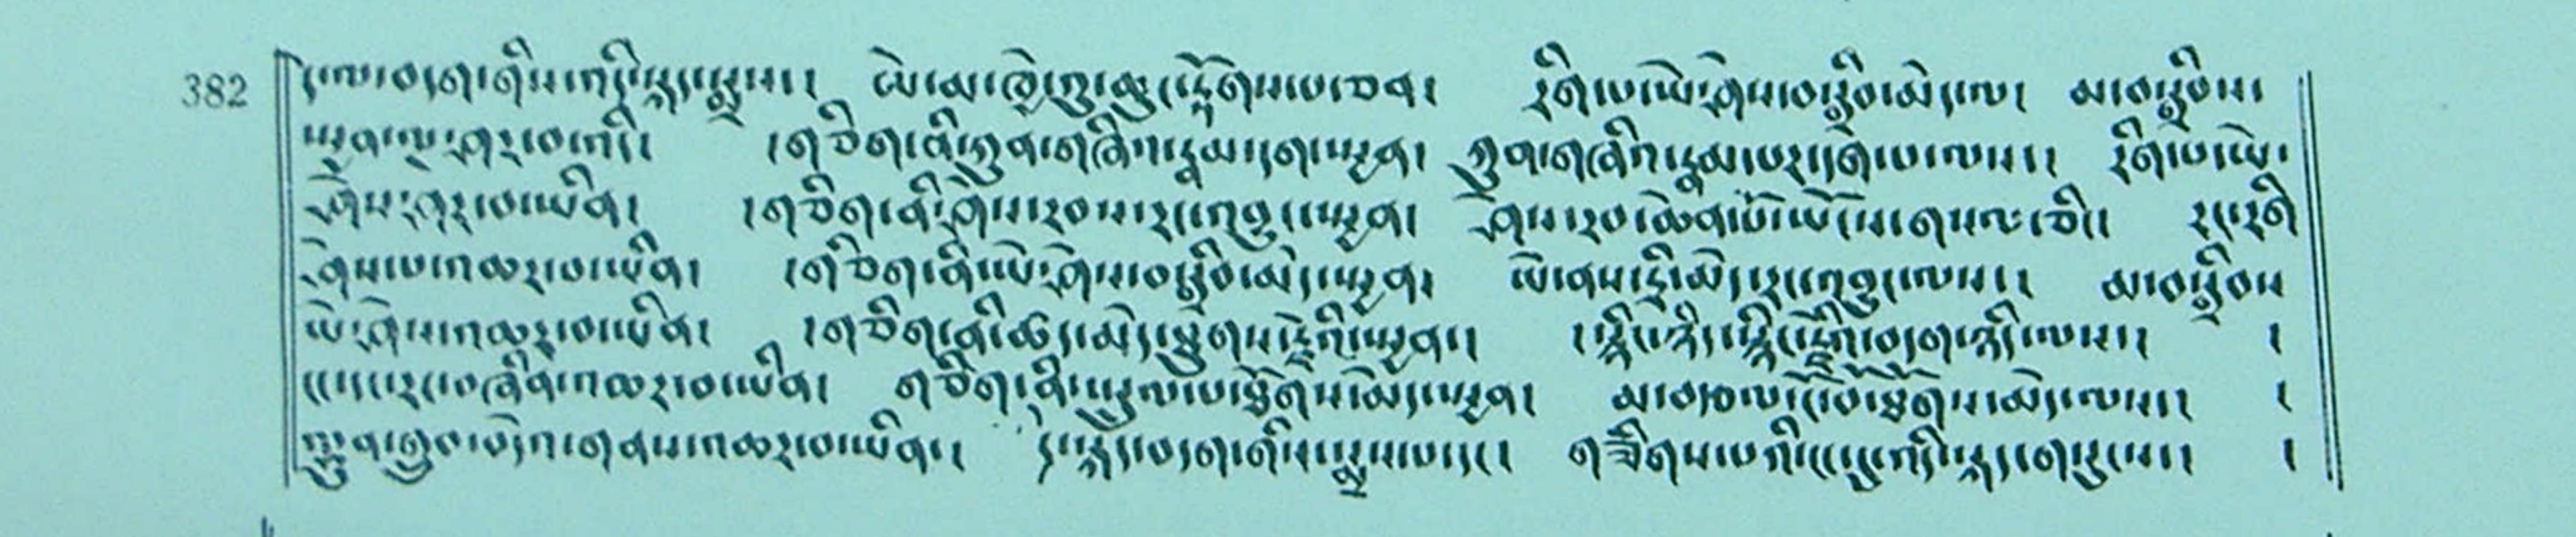དེ་ལ་བདག་གིས་འདི་སྐད་སྨྲས། ཨེ་མ་ཁྱེའུ་ཆུང་རྟོགས་པ་ཅན། རིག་པ་ཡེ་ཤེས་སྒྲིབ་མེད་ལ། མ་བསྒྲིབས་
སྤྱན་ལྔ་ཤར་བ་འདི། གཅིག་ནི་ཀུན་གཞིའ་རྣམ་དག་སྤྱན། ཀུན་གཞིའ་རྣམ་པར་དག་པ་ལ། རིག་པ་ཡེ་
ཤེས་ཤར་བ་ཡིན། གཅིག་ནི་ཤེས་རབས་རང་འབྱུང་སྤྱན། ཤེས་རབ་ཆེན་པོ་ཡོངས་གསལ་ཅིང་། རང་རིག་
ཡེ་ཤེས་འཆར་བ་ཡིན། གཅིག་ནི་ཡེ་ཤེས་སྒྲིབ་མེད་སྤྱན། ཡེ་ནས་དྲི་མེད་རང་འབྱུང་ལ། མ་བསྒྲིབས་
ཡེ་ཤེས་འཆར་བ་ཡིན། གཅིག་ནི་ཚད་མེད་ཐུགས་རྗེའི་སྤྱན། སྟོང་ཉིད་སྙིང་རྗེའི་བདག་ཉིད་ལ། 
ངང་དང་རང་བཞིན་འཆར་བ་ཡིན། གཅིག་ནི་སྤྲུལ་བ་ཐོགས་མེད་སྤྱན། མ་བརྩལ་ངོ་བོ་ཐོགས་མེད་ལས། 
ལྷུན་གྲུབ་བདེ་གནས་འཆར་བ་ཡིན། དེ་སྐད་བདག་གིས་སྨྲས་པ་དང་། གཟིགས་པའི་ངང་དུ་འདི་སྐད་གསུངས།